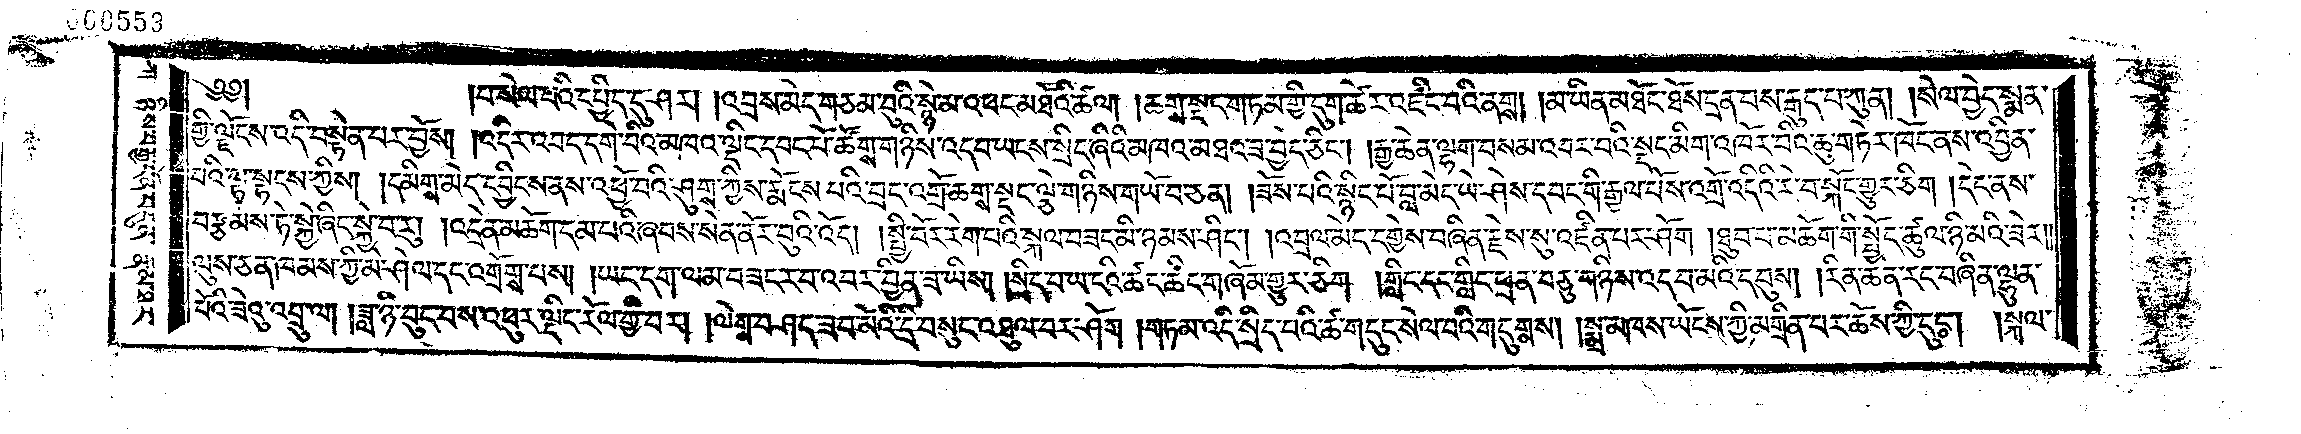༄༅། །པ་སེལ་པའི་དཔྱིད་དུ་ཤར། །འབྲས་མེད་གཅམ་བུའི་སྙེ་མ་འཕང་མཐོའི་ཚལ། །ཆགས་སྡང་གཏམ་གྱི་དུག་ཚེར་འཛིང་བའི་ནགས། །མ་ཡིན་མཐོང་ཐོས་དྲན་པས་རྒུད་པ་ཀུན། །སེལ་བྱེད་སྨན་
གྱི་ལྗོངས་འདི་བསྟེན་པར་བྱོས། །འདིར་འབད་དགེ་བའི་མཁའ་ལྡིང་དབང་པོ་ཚོགས་གཉིས་འདབ་ཡང་སྲིད་ཞིའི་མཁའ་མཐའ་ཟ་བྱེད་ཅིང་། །རྒྱ་ཆེན་ལྷག་བསམ་འབར་བའི་སྡང་མིག་འཁོར་བའི་ཆུ་གཏེར་ཁོང་ནས་འབྱིན་
པའི་ལྟ་སྟངས་ཀྱིས། །དམིགས་མེད་དབྱིངས་ནས་འཕྱོ་བའི་ཤུགས་ཀྱིས་རྨོངས་པའི་བྲང་འགྲོ་ཆགས་སྡང་ལྕེ་གཉིས་གཡོ་བ་ཅན། །ཟོས་པའི་སྙིང་པོ་བླ་མེད་ཡེ་ཤེས་དབང་གི་རྒྱལ་པོས་འགྲོ་འདིའི་རེ་བ་སྐོང་གྱུར་ཅིག །དེང་ནས་
བརྩམས་ཏེ་སྐྱེ་ཞིང་སྐྱེ་བ་རུ། །འདྲེན་མཆོག་དམ་པའི་ཞབས་སེན་ནོར་བུའི་འོད། །སྤྱི་བོར་རེག་པའི་སྐལ་བཟང་མི་ཉམས་ཤིང་། །འབྲལ་མེད་དགྱེས་བཞིན་རྗེས་སུ་འཛིན་པར་ཤོག །ཐུབ་པ་མཆོག་གི་སྤྱོད་ཚུལ་ཉི་མའི་ཟེར།།
ལུས་ཅན་ཁམས་ཀྱི་མེ་ཤེལ་དང་འགྲོགས་པས། །ཡང་དག་ལམ་བཟང་རབ་འབར་བྱིན་ཟ་ཡིས། །སྲིད་པ་ཡ་ངའི་ཚང་ཚིང་གཞོམ་གྱུར་ཅིག །གླིང་དང་གླིང་ཕྲན་བཅུ་གཉིས་འདབ་མའི་དབུས། །རིན་ཆན་རང་བཞིན་ལྷུན་
པོའི་ཟེའུ་འབྲུ་ལ། །ཟླ་ཉི་བུང་བས་འཕུར་ལྡིང་རོལ་གྱི་བར། །ལེགས་བཤད་ཟབ་མོའི་དྲི་བསུང་འཐུལ་བར་ཤོག །གཏམ་འདི་སྲིད་པའི་ཚ་ག་དུང་སེལ་བའི་གདུགས། །སྨྲ་མཁས་ཡོངས་ཀྱི་མགྲིན་པར་ཆོས་ཀྱི་དུང་། །སྐལ་